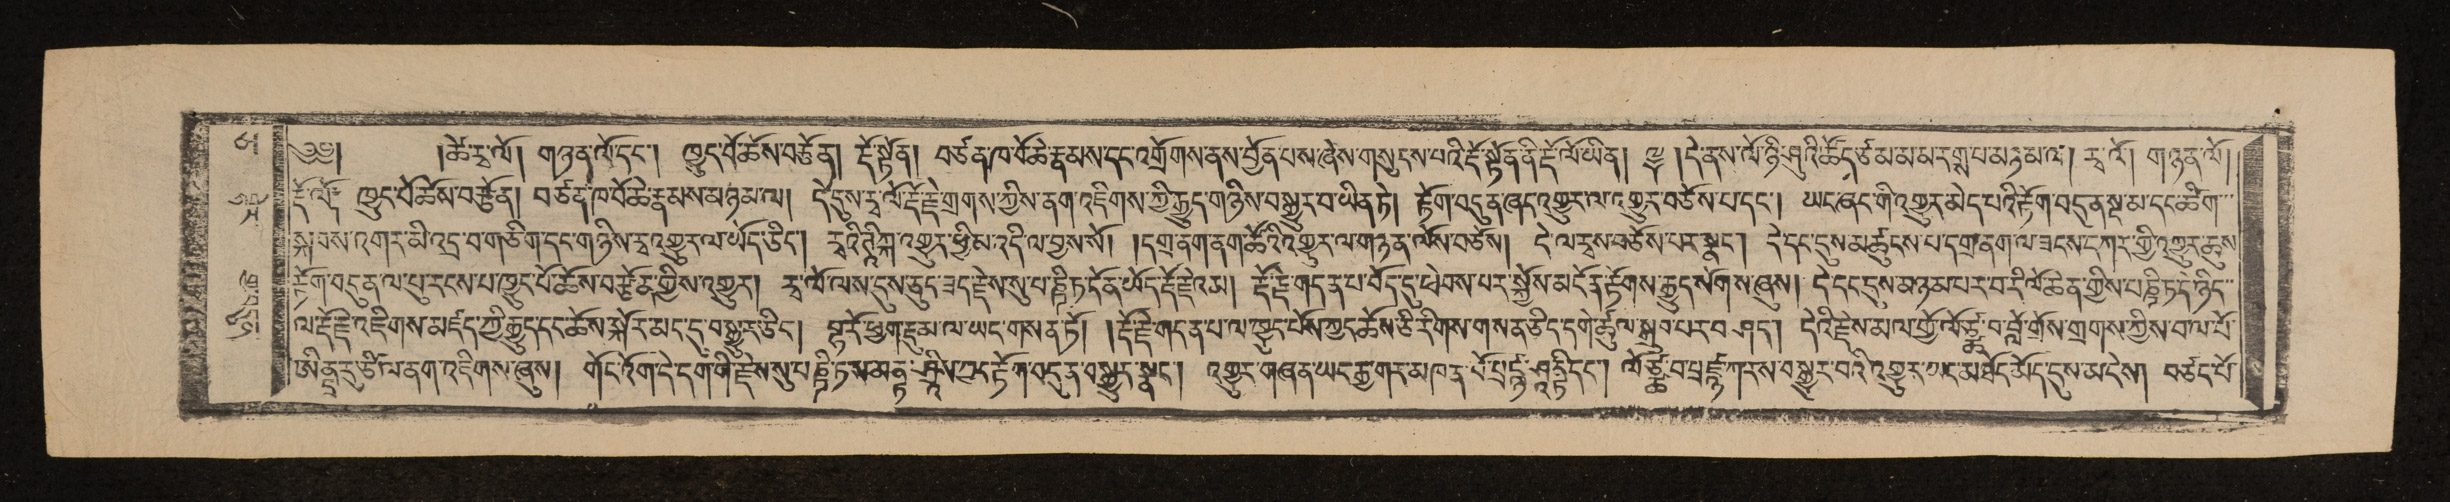༄༅། །ཚེ་རྭ་ལོ། གཉན་ལོ་དང་། ཁྱུང་པོ་ཆོས་བརྩོན། རྡོ་སྟོན། བཙན་ཁ་པོ་ཆེ་རྣམས་དང་འགྲོགས་ནས་བྱོན་པས་ཞེས་གསུངས་པའི་རྡོ་སྟོན་ནི་རྡོ་ལོ་ཡིན། ༈ །དེ་ནས་ལོ་ཉི་ཤུའི་ཚོད་ཙམ་མ་མ་རགས་པ་མཉམ་ལ། རྭ་ལོ། གཉན་ལོ།
རྡོ་ལོ༑ ཁྱུང་པོ་ཆོས་བརྩོན། བཙན་ཁ་བོ་ཆེ་རྣམས་མཉམ་ལ། དེ་དུས་རྭ་ལོ་རྡོ་རྗེ་གྲགས་ཀྱིས་ནག་འཇིགས་ཀྱིས་ནག་འཇིགས་ཀྱི་རྒྱུད་གཉིས་བསྒྱུར་བ་ཡིན་ཏེ། རྟོག་བདུན་ཞང་འགྱུར་ལ་འགྱུར་བཅོས་པ་དང་། ཡང་ཞང་གི་འགྱུར་མེད་པའི་རྟོག་བདུན་སྔ་མ་དང་ཚིག་
སྐབས་འགར་མི་འདྲ་བ་གཅིག་དང་གཉིས་འ་འགྱུར་ལ་ཡོད་ཅིང་། རྭའི་ཊིའིཀྐ་འགྱུར་ཕྱི་མ་འདི་ལ་བྱས་སོ། །དགྲ་ནག་ནག་ཚོའི་འགྱུར་ལ་གཉན་ལོས་བཅོས། དེ་ལ་རྭས་བཅོས་པར་སྣང་། དེ་དང་དུས་མཚུངས་པ་དགྲ་ནག་ལ་ཟངས་དཀར་གྱི་འགྱུར་ཆུང་
རྟོག་བདུན་ལ་བུ་རངས་བ་ཁྱུད་པོ་ཆོས་བརྩོན་གྱིས་འགྱུར། རྭ་ལོ་ལས་དུས་ཅུང་ཟད་རྗེས་སུ་པཎྜི་ཏ་དོན་ཡོད་རྡོ་རྗེའམ། རྡོ་རྗེ་གདན་པ་བོད་དུ་ཕེབས་པར་སྐྱོས་མངོན་རྟོགས་རྒྱུད་སོགས་ཞུས། དེ་དང་དུས་མཉམ་པར་བ་རི་ལོ་ཆེན་གྱིས་པཎྜིཏ་ད་ཉིད་
ལ་རྡོ་རྗེ་འཇིགས་མཛད་ཀྱི་རྒྱུད་དང་ཆོས་སྐོར་མང་དུ་བསྒྱུར་ཅིང་། བྷ་རོ་ཕྱག་རྡུམ་ལ་ཡང་གསན་ཏོ། །རྡོ་རྗེ་གདན་པ་ལ་ཁྱུང་པོས་ཀྱང་ཆོས་ཅི་རིགས་གསན་ཅིང་དགེ་ཚུལ་སྒྲུབ་པར་བཤད། དེའི་རྗེས་མལ་གྱོ་ལོཙྪ་བ་བློ་གྲོས་གྲགས་ཀྱིས་བལ་པོ་
ཨིནྡྲ་རུ་ཙིལ་ནག་འཇིགས་ཞུས། གོང་འོག་དེ་དག་གི་རྗེས་སུ་པཎྜི་ཏ་ས་མནྟ་ཤྲཱིས་ཀྱང་རྟོག་བདུན་བསྒྱུར་སྣང་། འགྱུར་གཞན་ཡང་རྒྱ་གར་མཁན་པོ་པྲཛྙ་ཤཱནྟི་དང་། ལོཙྪ་པ་པྲཛྙ་ཀ་རས་བསྒྱུར་བའི་འགྱུར་ཡང་མཐོང་མོད་དུས་མངེས། བཙང་པོ་